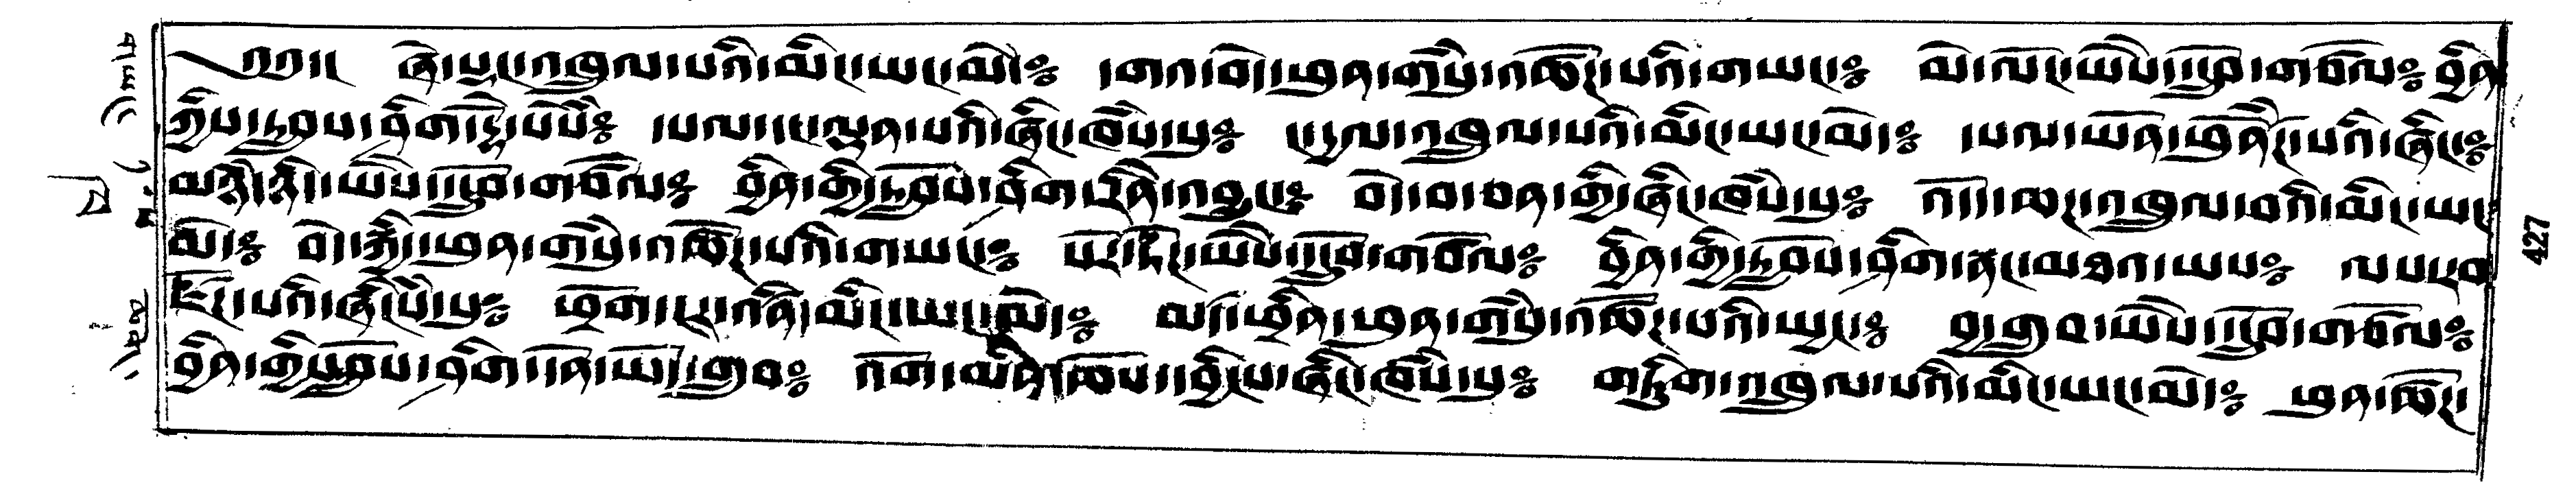ཞེ་སྡང་འཁྲུལ་པའི་མིང་ཡང་མེད༔ དགའ་བདེ་ཕུན་སུམ་ཚོགས་པའི་གཡང༔ མེ་ལོང་ཡེ་ཤེས་དངོས་གྲུབ་སྩོལ༔ བྱིན་
གྱིས་རློབས་ཤིག་རྡོ་རྗེ་སེམས༔ དཔལ་དང་ལྡན་པའི་ཞིང་ཁམས་སུ༔ ང་རྒྱལ་འཁྲུལ་པའི་མིང་ཡང་མེད༔ དཔལ་ཡོན་ཕུན་སུམ་ཚོགས་པའི་ཞིང༔ 
མཉམ་ཉིད་ཡེ་ཤེས་དངོས་གྲུབ་སྩོལ༔ བྱིན་གྱིས་རློབས་ཤིག་རིན་ཆེན་འབྱུང༔ བདེ་བ་ཅན་གྱི་ཞིང་ཁམས་སུ༔ འདོད་ཆགས་འཁྲུལ་བའི་མིང་ཡང་
མེད༔ བདེ་སྐྱིད་ཕུན་སུམ་ཚོགས་པའི་གཡང༔སོར་རྟོག་ཡེ་ཤེས་དངོས་གྲུབ་སྩོལ༔ བྱིན་གྱིས་རློབས་ཤིག་སྣང་མཐའ་ཡས༔ ལས་རབ་
རྫོགས་པའི་ཞིང་ཁམས་སུ༔ ཕྲག་དོག་ངར་འཛིན་མིང་ཡང་མེད༔ མཛད་ཕྲིན་ཕུན་སུམ་ཚོགས་པའི་གཡང༔ བྱ་གྲུབ་ཡེ་ཤེས་དངོས་གྲུབ་གཙོལ༔ 
བྱིན་གྱིས་རློབས་ཤིག་དོན་ཡོད་གྲུབ༔ འོག་མིན་ཆོས་དབྱིངས་ཞིང་ཁམས་སུ༔ གཏི་མུག་འཁྲུལ་པའི་མིང་ཡང་མེད༔ ཕུན་ཚོགས་